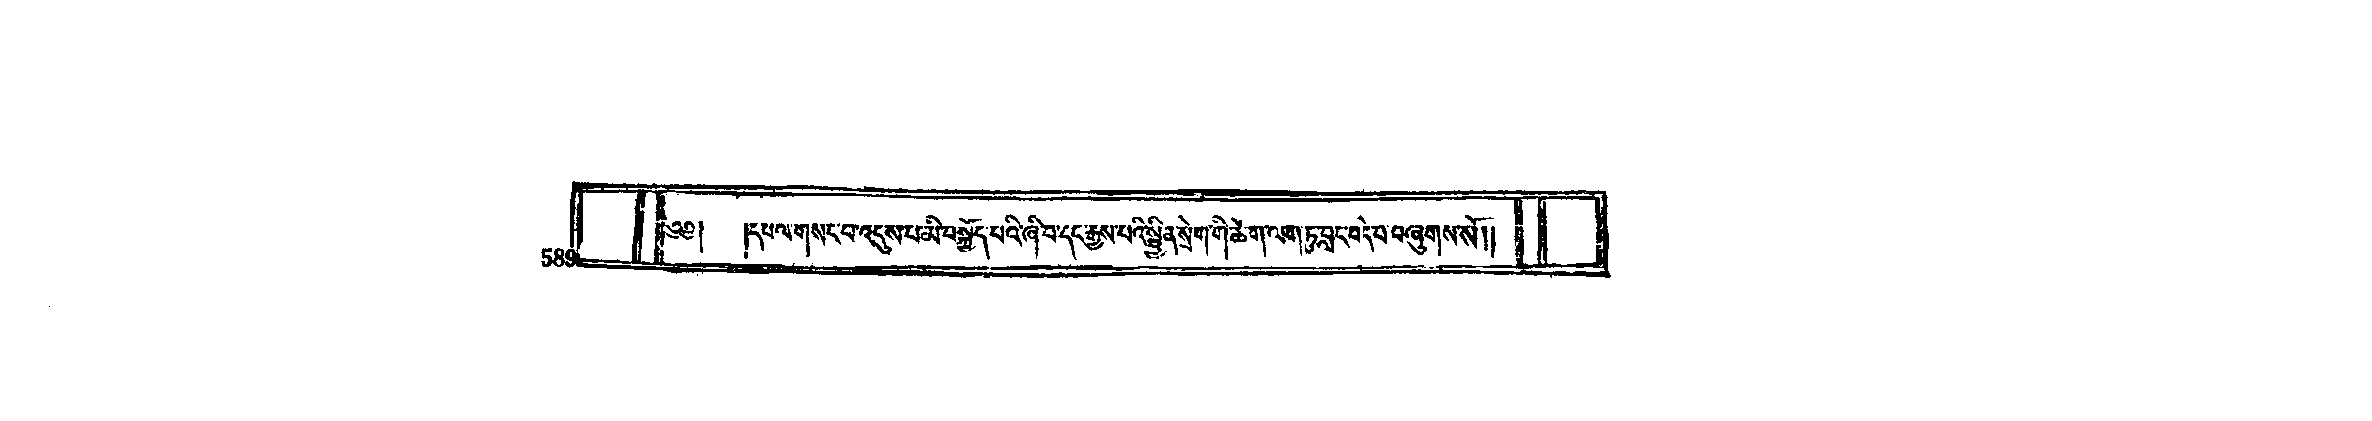༄༅། །དཔལ་གསང་བ་འདུས་པ་མི་བསྐྱོད་པའི་ཞི་བ་དང་རྒྱས་པའི་སྦྱིན་སྲེག་གི་ཆོ་ག་ལག་ཏུ་བླང་བདེ་བ་བཞུགས་སོ།